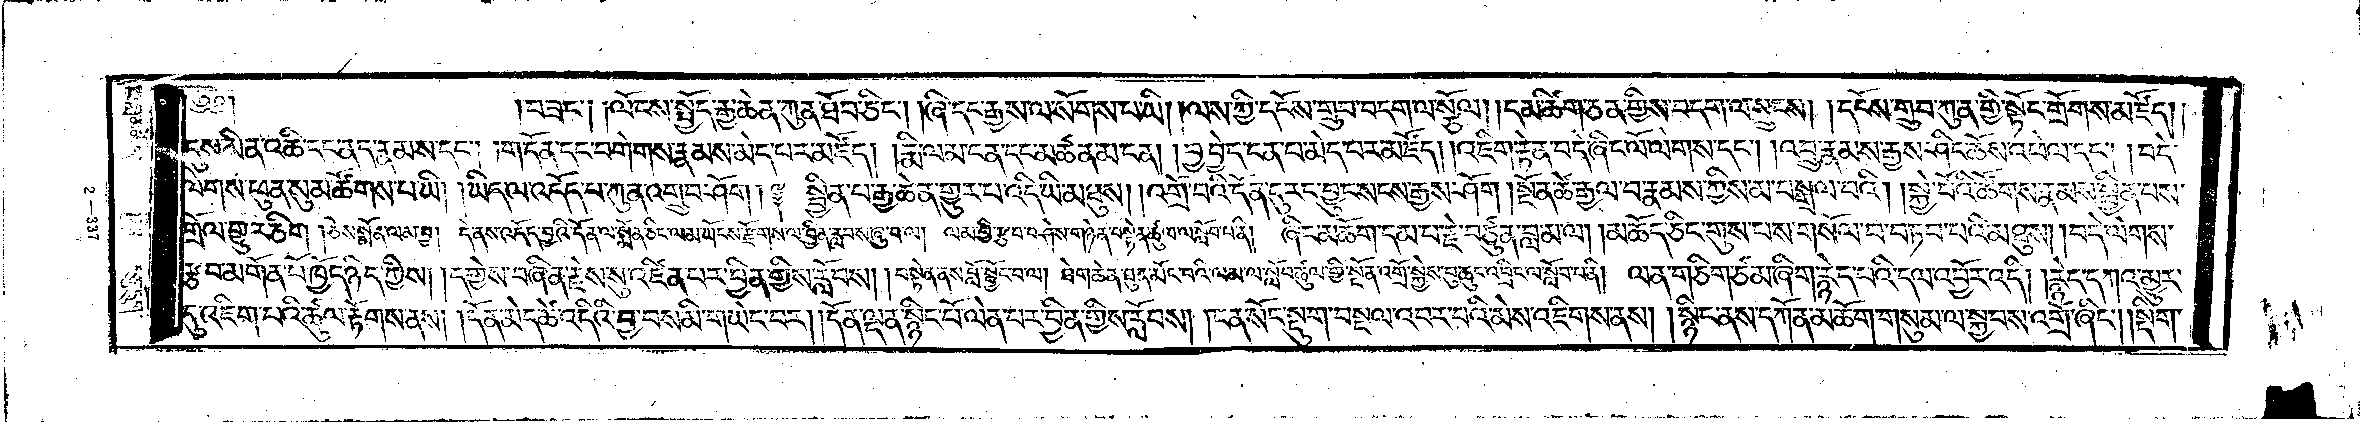༄༅། །བཟང༑ ༑ལོངས་སྤྱོད་རྒྱ་ཆེན་ཀུན་ཐོབ་ཅིང་། །ཞི་དང་རྒྱས་ལ་སོགས་པ་ཡི། །ལས་ཀྱི་དངོས་གྲུབ་བདག་ལ་སྩོལ། །དམ་ཚིག་ཅན་གྱིས་བདག་ལ་སྲུངས། །དངོས་གྲུབ་ཀུན་གྱི་སྟོང་གྲོགས་མཛོད། །
དུས་མིན་འཆི་དང་ནད་རྣམས་དང་། །གདོན་དང་བགེགས་རྣམས་མེད་པར་མཛོད། །རྨི་ལམ་ངན་དང་མཚན་མ་ངན། །བྱ་བྱེད་ངན་པ་མེད་པར་མཛོད། །འཇིག་རྟེན་བདེ་ཞིང་ལོ་ལགས་དང་། །འབྲུ་རྣམས་རྒྱས་ཤིང་ཆོས་འཕེལ་དང་། །བདེ་
ལེགས་ཕུན་སུམ་ཚོགས་པ་ཡི། །ཡིད་ལ་འདོད་པ་ཀུན་འགྲུབ་ཤོག ། ༈ སྦྱིན་པ་རྒྱ་ཆེན་གྱུར་པ་འདི་ཡི་མཐུས། །འགྲོ་བའི་དོན་དུ་རང་བྱུང་སངས་རྒྱས་ཤོག །སྔོན་ཚེ་རྒྱལ་བ་རྣམས་ཀྱིས་མ་བསྒྲལ་བའི། །སྐྱེ་པོའི་ཚོགས་རྣམས་སྦྱིན་པས་
གྲོལ་གྱུར་ཅིག་།ཅེས་སྨོན་ལམ་བྱ། དེ་ནས་འདོད་བྱའི་དོན་ལ་སྨོན་ཅིང་ལམ་གོངས་རྫོགས་ལ་བྱིན་རླབས་ཞུ་བ་ལ། ལམ་གྱི་རྩ་བ་བཤེས་གཉེན་བསྟེན་ཚུལ་ལ་སློབ་པ་ནི།  ཞིང་མཆོག་དམ་པ་རྗེ་བཙུན་བླ་མ་ལ། །མཆོད་ཅིང་གུས་པས་གསོལ་བ་བཏབ་པའི་མཐུས། །བདེ་ལེགས་
རྩ་བ་མགོན་པོ་ཁྱོད་ཉིད་ཀྱིས། །དགྱེས་བཞིན་རྗེས་སུ་འཛིན་པར་བྱིན་གྱིས་རློབས། །བསྟེན་ནས་བློ་སྦྱོང་བ་ལ། ཐེག་ཆེན་ཐུན་མོང་བའི་ལམ་ལ་སློབ་ཚུལ་གྱི་སྔོན་འགྲོ་སྐྱེས་བུ་ཆུང་འབྲིང་ལ་སློབ་པ་ནི།  ལན་གཅིག་ཙམ་ཞིག་རྙེད་པའི་དལ་འབྱོར་འདི། །རྙེད་དཀའ་མྱུར་
དུ་འཇིག་པའི་ཚུལ་རྟོགས་ནས། །དོན་མེད་ཚེ་འདིའི་བྱ་བས་མི་གཡེང་བར། །དོན་ལྡན་སྙིང་པོ་ལེན་པར་བྱིན་གྱིས་རློབས། །ངན་སོང་སྡུག་བསྔལ་འབར་བའི་མེས་འཇིགས་ནས། །སྙིང་ནས་དཀོན་མཆོག་གསུམ་ལ་སྐྱབས་འགྲོ་ཞིང་། །སྡིག་